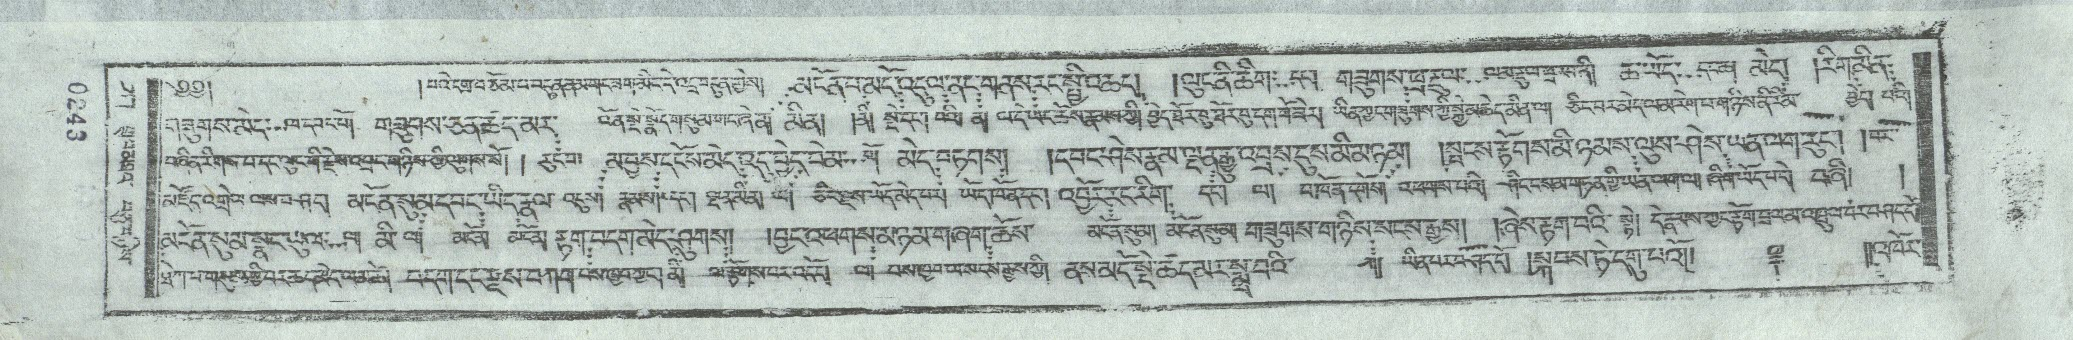༄༅། །བའི་དགྲ་བཅོམ་པ་བདུན་ནམ་གང་ཟག་མིང་དེ་འདྲ་བདུན་གྱེས། མངོན་པ་མདོ་འདུལ་ནང་གནས་རང་སྤྱི་འཆང་། །ལུང་ནི་ཚིག་དང་། གཟུགས་ཕྲ་རྡུལ་ལམ་རྡུལ་ཕྲ་བ་ནི། ཆ་ཡོད་དང་ཆ། མེད། ?མིན་
གཟུགས་མེད་ལ་དབང་པོ། གཟུགས་ཅན་ཚད་མར་འོན་སྡེ་སྣོད་གསུམ་གང་ཞེན། མིན། །ནི་སྡེ་དང་། བའི་ན། པ་དེ་ཡང་ཆོས་རྣམས་ཀྱི། བྱེད་ཐོར་བུ་ཐོར་བུ་ཐོར་བུ་དག་གོ་ཟེར། ཡིན་ཀྱང་གཟུགས་ཀྱི་སྐྱེ་མཆེད་མིན་ལ། ཅིང་བར་མེད་ལམ་རེག་པ་གཉིས་ནི་རིམ་བྱེད། པའི་
བཞིན་རིགས་པ་དང་ལུང་གི་རྗེས་འབྲང་གཉིས་ཀྱི་ལུགས་སོ། །རུངས་བ། མ་བྱས་དངོས་མེད་འདུ་བྱེད་བེམ་པོ། མེད་བཏགས། །དབང་ཤེས་རྣམ་ལྡན་རྒྱུ་འབྲས་དུས་མི་མཉམ། །སྤངས་རྟོགས་མི་ཉམས་ལུས་ཤེས་ཡན་ལག་རུང་། །བར?
མཛོད་འགྲེལ་ལས་བཤད། མངོན་སུམ་དབང་ཡིད་རྣལ་འདུས། རྣམས། དང་། ལྡན་མིན་ལ། ཅིང་ལྔས་ཡོད་མེད་པར། ཡོད་ཁོ་ན་དང་། འབྱོར་རང་རིག་དང་། ལ། བ་ཁོ་ན་དགོས། འཕགས་པའི། ཤིང་བསམ་གཏན་གྱི་ཡན་ལག་ལ། ཞིས་ཡོད་པ་དེ། བཞི། །
མངོན་སུམ་སྣང་ཡུལ་ལ། མི་བ། མངོན། མངོན། རྟགས་བདག་མེད་ཤུགས། །བྱང་འཕགས་མཉམ་གཞག་ཆོས། མངོན་སུམ། མངོན་སུམ། གཟུགས་གཉིས་སངས་རྒྱས། །ཞེས་རྟག་པའི་ལྟེ། དེ་རྣམས་ཀྱང་རྟོག་བྲལ་ལ་ཁྲུང་བར་བཤད་དོ་
ཐེག་པ་གསུམ་གྱི་བར་ཆད་མེད་ལམ་ཚེ། བདག་དང་རྫས་བཀག་བས་ཀྱབ་ཀྱང་། ནི། ལ་རྟོགས་བར་འདོད། ལ། བས་ཁྱབ་ལས་སངས་རྒྱས་ཀྱི། ནས་མདོ་སྡེ་ཚད་མར་སྨྲ་བའི། ཀ། ཡིན་པར་བཤད་དེ། །སྐབས་ཏེ་དགུ་པའོ།། ༈ །།འཁོར་